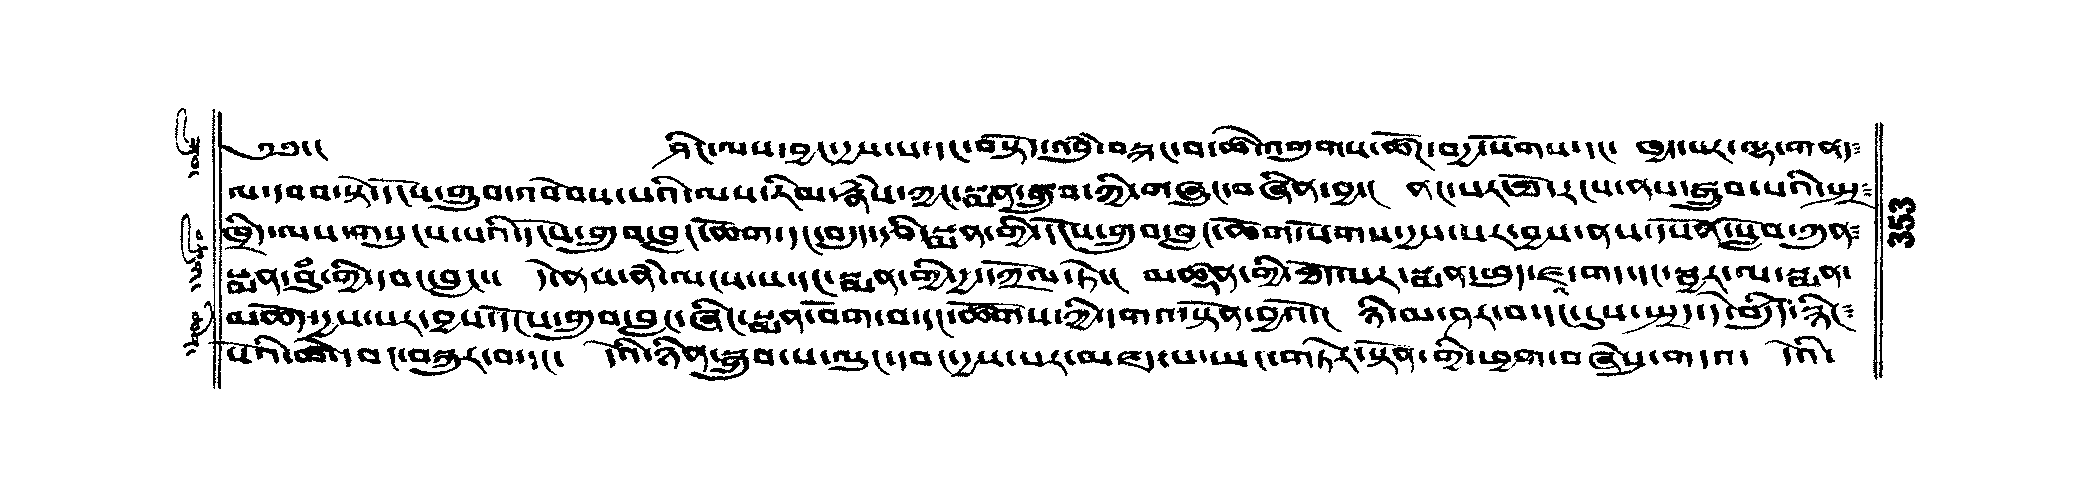ཤིང་ལས་དབྱང་རྒྱས་པ་དང་བསྟོད་འབུམ་བསྐང་བ་ཚེ་འགུགས་ཚོགས་བརྒྱ་སོགས་དང་། ཁྱད་པར་ལྷ་གནད་
ལ་དབབ་སྟེ་དངོས་གྲུབ་འབེབས་པའི་ལས་རིམ་རྣམས་ཀྱང་སྨན་སྒྲུབ་ཀྱི་གཞུང་བཞིན་བྱ། ནང་པར་ཐོ་རངས་ནས་སྒྲུབ་པའི་སྤྲ་
ཁྲིད་ལས་གསུངས་པའི་དངོས་གྲུབ་བླང་ཆོག་དང་བདུད་རྩི་སྨན་གྱི་དངོས་གྲུབ་བླང་ཆོག་སོགས་རྒྱས་པར་བྱས་ནས་དཔོན་སློབ་ཀུན་
སྨན་བུམ་གྱི་དབང་བླང་།དེ་ནས་ནམ་ལངས་པ་དང་སྨན་གྱི་རྒྱ་དཀྲོལ་ཏེ། མཚན་ལྡན་གྱི་ཐོད་པར་སྨན་ཕུད་ཛཱ་གད་དང་སྦྱར་ལ་སྨན་
མཆོད་རྒྱས་པར་བྱས་དངོས་གྲུབ་བླང་ཞིང་སྨན་བོག་བ་དག་ཚོགས་ཀྱི་དགའ་སྟོན་བྱའོ། ཉི་མ་ཤར་བ་དང་དུས་སྤྲད་དེ་བདུད་རྩི་སྙིང་
པོའི་ཞཝ་དབང་བསྐུར་བ་དང་། དེའི་ཉིན་སྒྲུབ་ས་ལུང་དབང་རྒྱས་པར་མཆད་པ་ཡང་གཏེར་སྟོན་གྱི་ཕྱག་བཞེས་སུ་གདའ། དེའི་